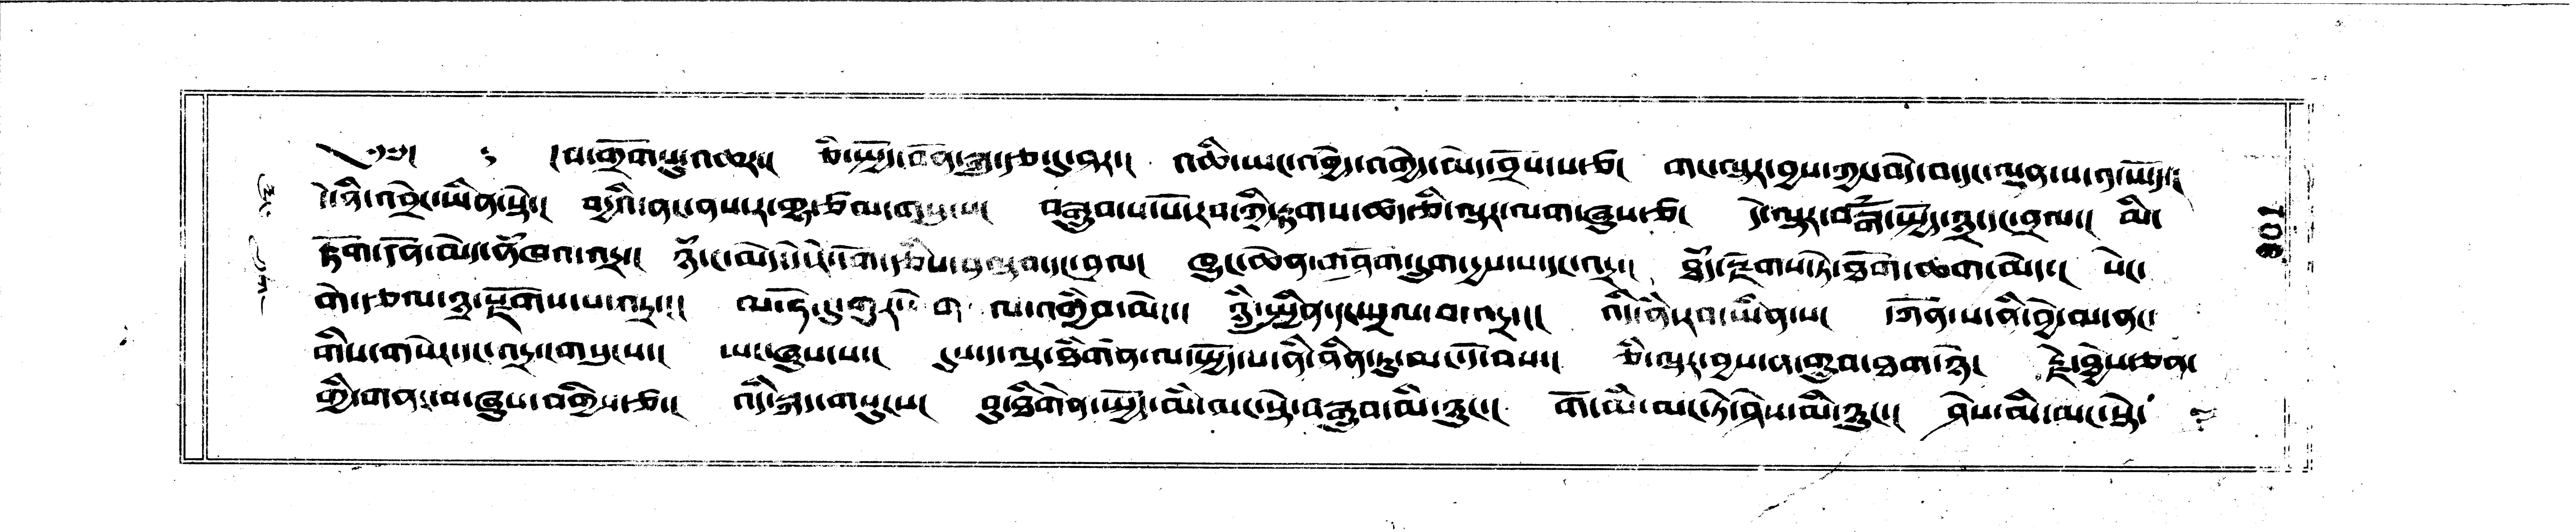གྲོགས་སུ་འཆར། ཅི་སྤྱོད་བོན་སྐུའི་རྩལ་དུ་ཤར། འཆི་ཡང་{འབྱེད}་འགྱོད་མེད་བྲོས་པ་ཙ། གང་ལྟར་བྱས་ཀྱང་བདེ་བ་དང་ལྡན་པ་ཅིག་ཡོད།
 དེ་ནི་འབྲིང་ཡིན་ཏེ། བརྒྱའི་ནང་ནས་རེ་གྷ་ཙམ་གསུངས། སྒྲུབ་པ་པོ་རབ་ཀྱི་རྟགས་ཚད་ཇི་ལྟར་ལགས་ཞུས་ཙ། དེ་ལྟར་སྒོམ་སྤྱོད་གསུམ་དང་བྲལ། མི་
རྟོག་དོན་མེད་ནམ་མཁའ་འདྲ། ཉམ་ང་མེད་དེ་རེ་དོགས་རྩིས་གདབས་དང་བྲལ། ཁྱུང་ཆེན་གཤོག་དྲུག་རྒྱས་པ་དང་འདྲ། །ཐམས་ཅད་རྫོགས་ཏེ་ཐོགས་ཆགས་མེད། །སེང་
གེ་རྩལ་གསུམ་རྫོགས་པ་འདྲ། །མངོན་དུ་གྱུར་ཏེ་གསལ་འགྲིབ་མེད། །ཉི་ཟླ་སྤྲིན་དང་བྲལ་བ་འདྲ། །འདི་ནི་རབ་ཡིན་པ། དཀོན་པ་ནི་བྱེ་མ་ནང་
གི་གསེར་དང་འདྲ་གསུངས། ཡང་ཞུས་པ། དུས་ད་ལྟ་ཐེག་ཆེན་ལ་སྤྱོད་པ་ནི་ཤིན་ཏུ་མང་བདོ་བས། ཅི་ལྟར་བྱས་ན་གྲུབ་ཐག་ཉེ། རྗེ་ཐུགས་རྗེ་ཅན་
གྱིས་གནང་བ་ཞུས་བགྱིས་ཙ། འདི་སྐད་གསུངས། བུ་ཐེག་ཆེན་སྤྱོད་མི་མང་སྟེ་སྒྲུབ་མི་ཉུང་། གོ་མི་མང་སྟེ་ཤེས་མི་ཉུང་། ཤེས་མི་མང་སྟེ་